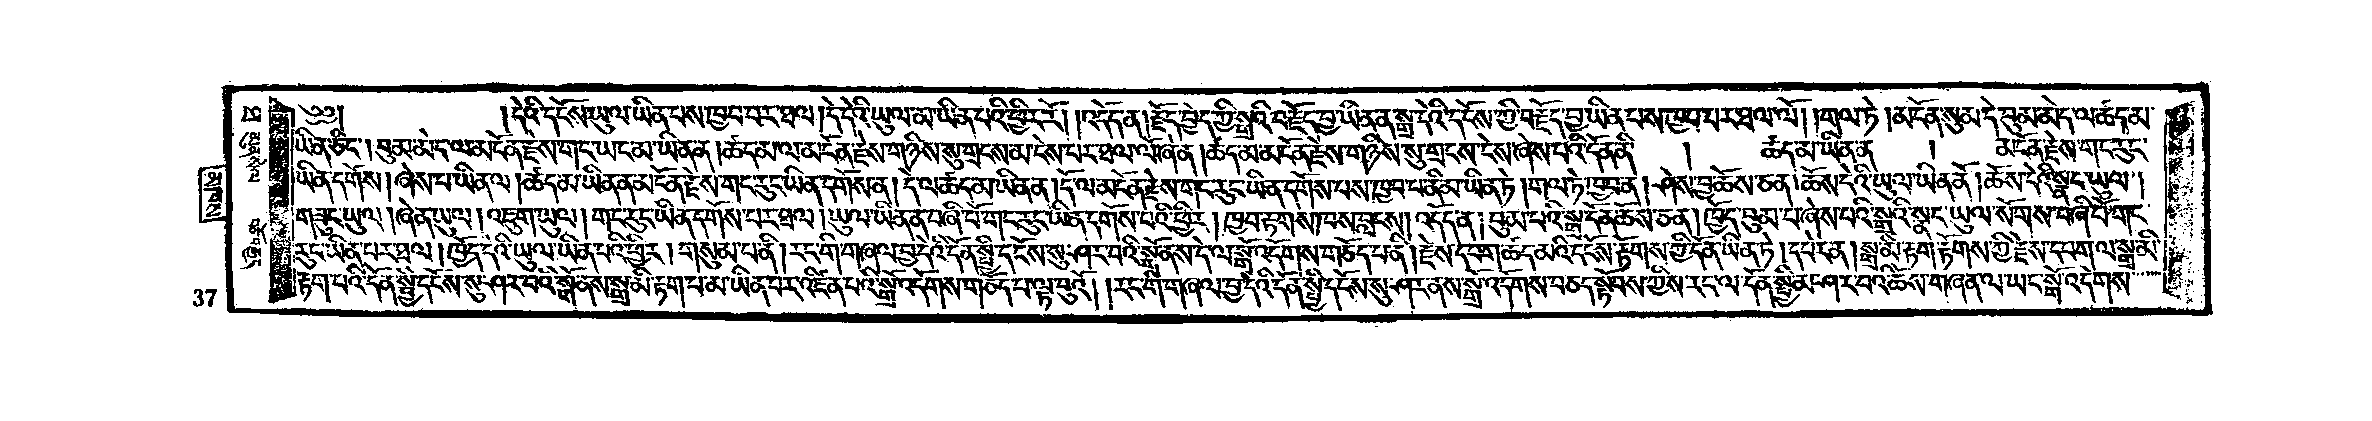༄༅། །དེའི་དངོས་ཡུལ་ཡིན་པས་ཁྱབ་པར་ཐལ། དེ་དེའི་ཡུལ་མ་ཡིན་པའི་ཕྱིར་རོ། །འདོད་ན། རྗོད་བྱེད་ཀྱི་སྒྲའི་བརྗོད་བྱ་ཡིན་ན་སྒྲ་དེའི་དངོས་ཀྱི་བརྗོད་བྱ་ཡིན་པས་ཁྱབ་པར་ཐལ་ལོ། །གལ་ཏེ། མངོན་སུམ་དེ་བུམ་མེད་ལ་ཚད་མ་
ཡིན་ཅིང་། བུམ་མེད་ལ་མངོན་རྗེས་གང་ཡང་མ་ཡིན་ན། ཚད་མ་ལ་མངོན་རྗེས་གཉིས་སུ་གྲངས་མ་ངེས་པར་ཐལ་ལོ་ཞེ་ན། ཚད་མ་མངོན་རྗེས་གཉིས་སུ་གྲངས་ངེས་ཞེས་པའི་དོན་ནི། ཚད་མ་ཡིན་ན། མངོན་རྗེས་གང་རུང་
ཡིན་དགོས། ཞེས་པ་ཡིན་ལ། ཚད་མ་ཡིན་ན་མངོན་རྗེས་གང་རུང་ཡིན་དགོས་ན། དེ་ལ་ཚད་མ་ཡིན་ན། དེ་ལ་མངོན་རྗེས་གང་རུང་ཡིན་དགོས་པས་ཁྱབ་པ་ནི་མ་ཡིན་ཏེ། གལ་ཏེ་ཁྱབ་ན། ཤེས་བྱ་ཆོས་ཅན། ཆོས་དེའི་ཡུལ་ཡིན་ནོ། ཆོས་དེའི་སྣང་ཡུལ།
གཟུང་ཡུལ། ཞེན་ཡུལ། འཇུག་ཡུལ། གང་རུང་ཡིན་དགོས་པར་ཐལ། ཡུལ་ཡིན་ན་བཞི་པོ་གང་རུང་ཡིན་དགོས་པའི་ཕྱིར། ཁྱབ་རྟགས་ཁས་བླངས། འདོད་ན། བུམ་པའི་སྒྲ་དོན་ཆོས་ཅན། ཁྱོད་བུམ་པ་ཞེས་པའི་སྒྲའི་སྣང་ཡུལ་སོགས་བཞི་པོ་གང་
རུང་ཡིན་པར་ཐལ། ཁྱོད་དེའི་ཡུལ་ཡིན་པའི་ཕྱིར། གསུམ་པ་ནི། རང་གི་གཞལ་བྱ་དེའི་དོན་སྤྱི་དངོས་སུ་ཤར་བའི་སྒོ་ནས་དེ་ལ་སྒྲོ་འདོགས་གཅོད་པ་ནི། རྗེས་དཔག་ཚད་མའི་དངོས་རྟོགས་ཀྱི་དོན་ཡིན་ཏེ། དཔེར་ན། སྒྲ་མི་རྟག་རྟོགས་ཀྱི་རྗེས་དཔག་ལ་སྒྲ་མི་
རྟག་པའི་དོན་སྤྱི་དངོས་སུ་ཤར་བའི་སྒོ་ནས་སྒྲ་མི་རྟག་པ་མ་ཡིན་པར་འཛིན་པའི་སྒྲོ་འདོགས་གཅོད་པ་ལྟ་བུའོ། །རང་གི་གཞལ་བྱ་དེའི་དོན་སྤྱི་དངོས་སུ་ཤར་ནས་སྒྲོ་འདོགས་བཅད་སྟོབས་ཀྱིས་རང་ལ་དོན་སྤྱི་མ་ཤར་བའི་ཆོས་གཞན་ལ་ཡང་སྒྲོ་འདོགས་